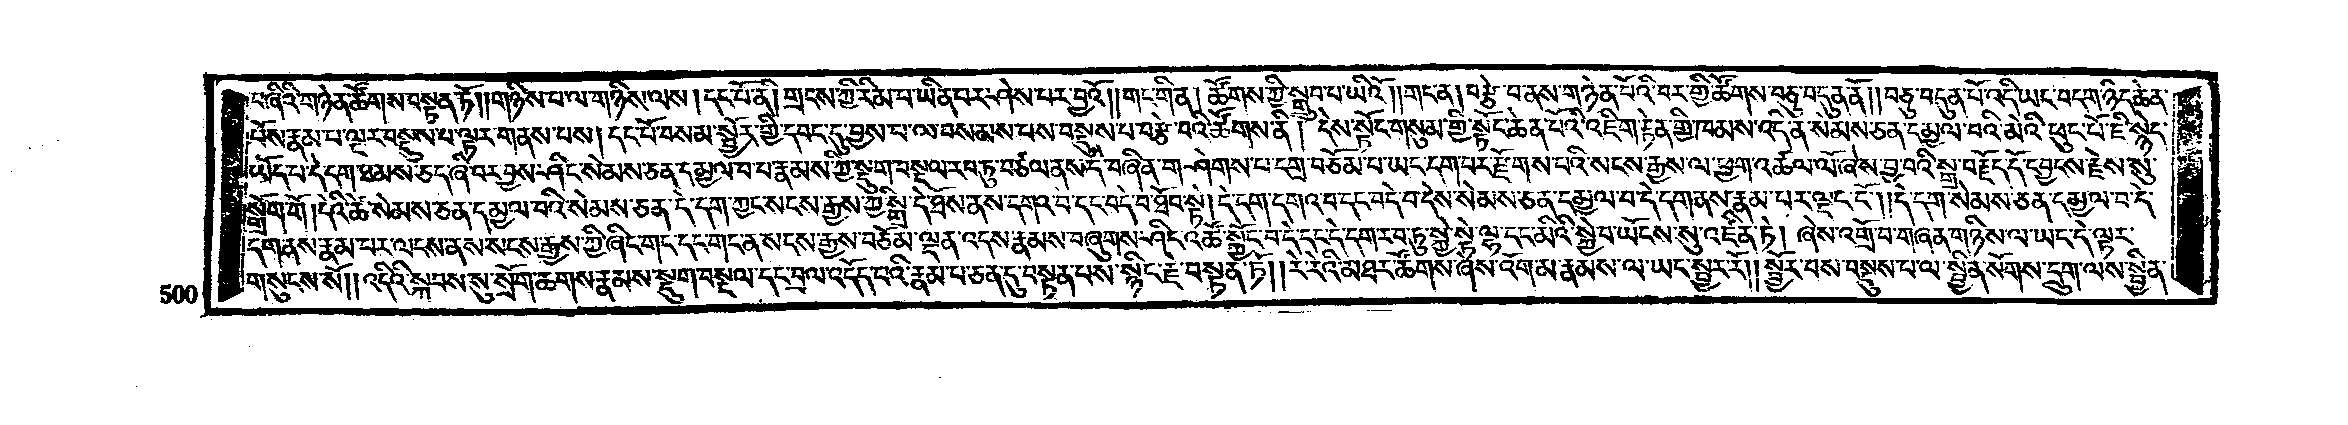བཞིའི་གཉེན་ཚོགས་བསྟན་ཏོ། །གཉིས་པ་ལ་གཉིས་ལས། དང་པོ་ནི། གྲངས་ཀྱི་རིམ་པ་ཡིན་པར་ཤེས་པར་བྱའོ། །གང་གི་ན། ཚོགས་ཀྱི་སྒྲུབ་པ་ཡིའོ། །གང་ན། བརྩེ་བ་ནས་གཉེན་པོའི་བར་གྱི་ཚོགས་བཅུ་བདུན་ནོ། །བཅུ་བདུན་པོ་འདི་ཡང་བདག་ཉིད་ཆེན་
པོས་རྣམ་པ་ལྔར་བསྡུས་པ་ལྟར་གནས་པས། དང་པོ་བསམ་སྦྱོར་གྱི་དབང་དུ་བྱས་པ་ལ་བསམས་པས་བསྡུས་པ་བརྩེ་བའི་ཚེགས་ནི། དེས་སྟོང་གསུམ་གྱི་སྟོང་ཆེན་པོའི་འཇིག་རྟེན་གྱི་ཁམས་འདི་ན་སེམས་ཅན་དམྱལ་བའི་མེའི་ཕུང་པོ་ཇི་སྙེད་
ཡོད་པ་དེ་དག་ཐམས་ཅད་ཞི་བར་བྱས་ཤིང་སེམས་ཅན་དམྱལ་བ་པ་རྣམས་ཀྱི་སྡུག་བསྔལ་རབ་ཏུ་བཙོལ་ནས་དེ་བཞིན་གཤེགས་པ་དགྲ་བཅོམ་པ་ཡང་དག་པར་རྫོགས་པའི་སངས་རྒྱས་ལ་ཕྱག་འཚལ་ལོ་ཞེས་བྱ་བའི་སྒྲ་བརྗོད་དོ་དབྱངས་རྗེས་སུ་
སྒྲོག་གོ །དེའི་ཚེ་སེམས་ཅན་དམྱལ་བའི་སེམས་ཅན་དེ་དག་ཀྱང་སངས་རྒྱས་ཀྱི་སྒྲ་དེ་ཐོས་ནས་དགའ་བ་དང་བདེ་བ་ཐོབ་སྟེ། དེ་དག་དགའ་བ་དང་བདེ་བ་དེས་སེམས་ཅན་དམྱལ་བ་དེ་དག་ནས་རྣམ་པར་ལྡང་ངོ། །དེ་དག་སེམས་ཅན་དམྱལ་བ་དེ་
དག་ནས་རྣམ་པར་ལངས་ནས་སངས་རྒྱས་ཀྱི་ཞིང་གང་དང་གང་ན་སངས་རྒྱས་བཅོམ་ལྡན་འདས་རྣམས་བཞུགས་ཤིང་འཚོ་སྐྱོང་བ་དེ་དང་དེ་དག་རབ་ཏུ་སྐྱེ་སྟེ་ལྷ་དང་མིའི་སྐྱེ་བ་ཡོངས་སུ་འཛིན་ཏེ། ཞེས་འགྲོ་བ་གཞན་གཉིས་ལ་ཡང་དེ་ལྟར་
གསུངས་སོ། །འདིའི་སྐབས་སུ་སྲོག་ཆགས་རྣམས་སྡུག་བསྔལ་དང་བྲལ་འདོད་པའི་རྣམ་པ་ཅན་དུ་བསྟན་པས་སྙིང་རྗེ་བསྟན་ཏོ། །རེ་རེའི་མཐར་ཚོགས་ཞེས་འོག་མ་རྣམས་ལ་ཡང་སྦྱར་རོ། །སྦྱོར་བས་བསྡུས་པ་ལ་སྦྱིན་སོགས་དྲུག་ལས་སྦྱིན་